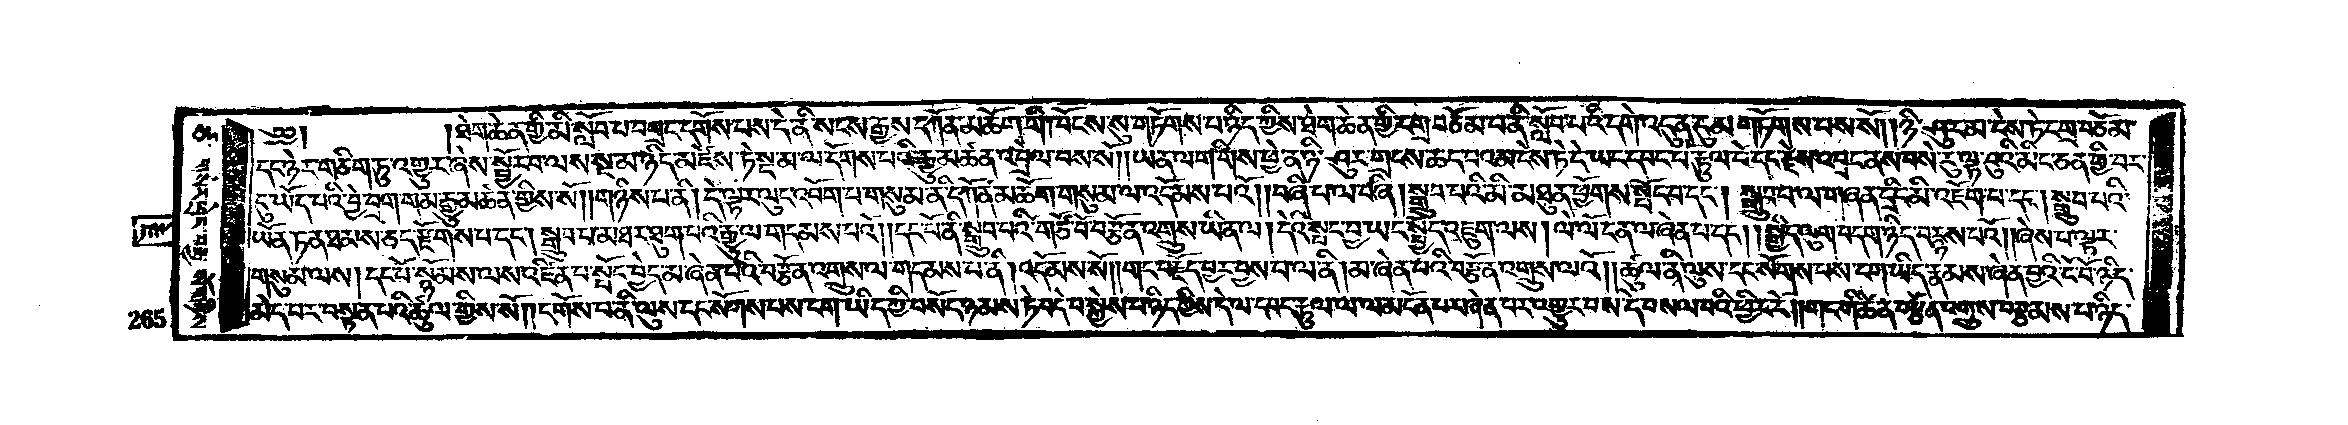༄༅། །ཐེག་ཆེན་གྱི་མི་སློབ་པ་བགྲང་དགོས་པས་དེ་ནི་སངས་རྒྱས་དཀོན་མཆོག་གི་ཁོངས་སུ་གཏོགས་པ་ཉིད་ཀྱིས་ཐེག་ཆེན་གྱི་དགྲ་བཅོམ་པ་ནི་སློབ་པའི་དགེ་འདུན་དུ་མ་གཏོགས་པས་སོ། །ཉི་ཤུར་མ་ངེས་ཏེ་དགྲ་བཅོམ་
དང་ཉེར་གཅིག་ཏུ་འགྱུར་ཞེས་སྦྱོར་བ་ལས་སྔ་མ་ཉིད་མཛེས་ཏེ་སྔ་མ་ལ་དོགས་པའི་རྒྱུ་མཚན་འབྲེལ་བས་སོ། །ཡན་ལག་གིས་ཕྱེ་ན་ཉི་ཤུར་གྲངས་ཆད་པའམ་ངེས་ཏེ་དེ་ཡང་དབང་པོ་རྟུལ་པོ་དང་རྗེས་འབྲང་ནས་བསེ་རུ་ལྟ་བུའི་མིང་ཅན་གྱི་བར་
དུ་ཡོད་པའི་བྱེ་བྲག་གམ་རྒྱུ་མཚན་གྱིས་སོ། །གཉིས་པ་ནི། དེ་ལྟར་ལུང་འབོག་པ་གསུམ་ནི་དཀོན་མཆོག་གསུམ་ལ་འདོམས་པའོ། །བཞི་པ་ལ་བཞི། སྒྲུབ་པའི་མི་མཐུན་ཕྱོགས་སྤོང་བ་དང་། སྒྲུབ་པ་ལ་གཞན་དྲིང་མི་འཇོག་པ་དང་། སྒྲུབ་པའི་
ཡོན་ཏན་ཐམས་ཅད་རྫོགས་པ་དང་། སྒྲུབ་པ་མཐར་ཐུག་པའི་རྒྱུ་ལ་གདམས་པའོ། །དང་པོ་ནི་སྒྲུབ་པའི་གཙོ་བོ་བརྩོན་འགྲུས་ཡིན་ལ། དེའི་སྤང་བྱ་ཡང་སྤྱོད་འཇུག་ལས། ལེ་ལོ་ངན་ལ་ཞེན་པ་དང་། སྒྱིད་ལུག་བདག་ཉིད་བརྙས་པའོ། །ཞེས་པ་ལྟར་
གསུམ་ལས། དང་པོ་སྙོམས་ལས་འཛིན་པ་སྤོང་བྱེད་མ་ཞེན་པའི་བརྩོན་འགྲུས་ལ་གདམས་པ་ནི། འདོམས་སོ། །གང་བརྗོད་བྱར་བྱས་པ་ལ་ནི། མ་ཞེན་པའི་བརྩོན་འགྲུས་ལའོ། །ཚུལ་ནི་ལུས་དང་སོགས་པས་ངག་ཡིད་རྣམས་ཞེན་བྱའི་ངོ་བོ་ཉིད་
མེད་པར་བསྟན་པའི་ཚུལ་གྱིས་སོ། །དགོས་པ་ནི་ལུས་དང་སོགས་པས་ངག་ཡིད་ཀྱི་བསོད་ཉམས་ཏེ་བདེ་བ་སྐྱེས་པ་ཉིད་ཀྱིས་དེ་ལ་དབང་རྟུལ་ལ་ལ་མངོན་པར་ཞེན་པར་འགྱུར་པས་དེ་བསལ་བའི་ཕྱིར་རོ། །གང་གི་ཚེ་ན་བརྩོན་འགྲུས་བརྩམས་པ་ཉིད་